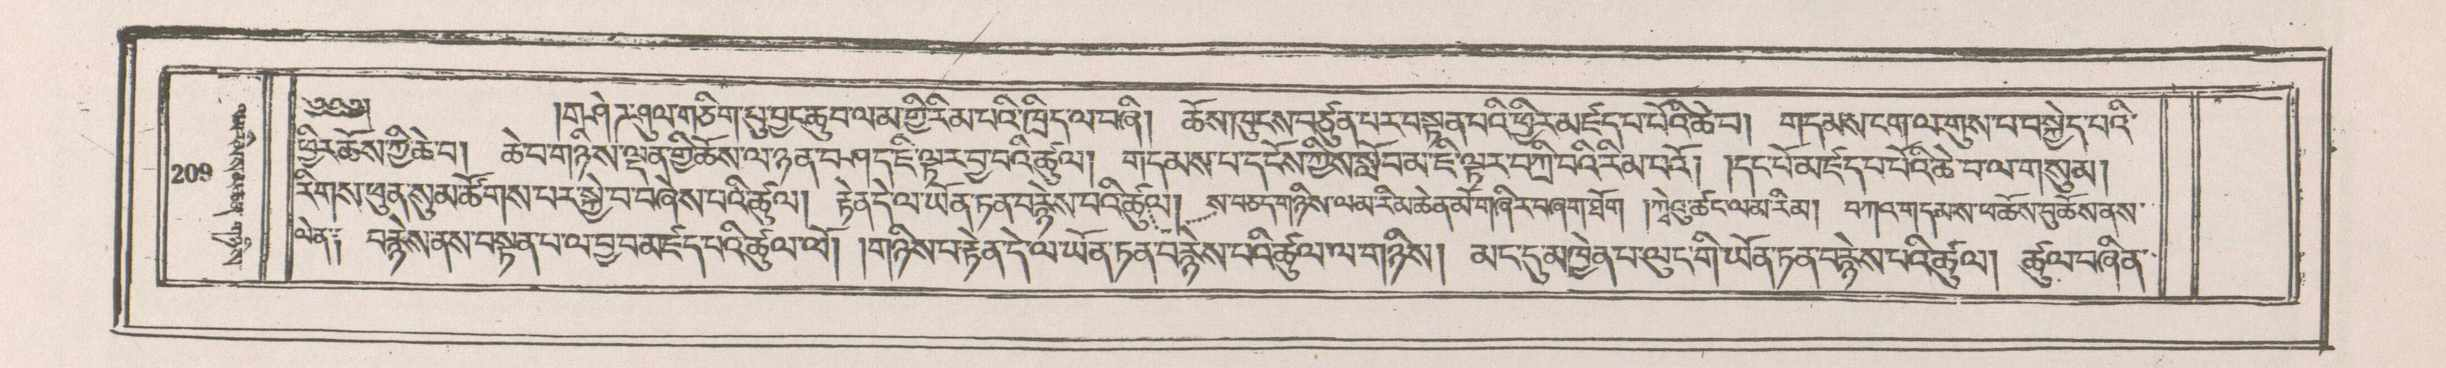༄༅། །གཤེགས་ཤུལ་གཅིག་པུ་བྱང་ཆུབ་ལམ་གྱི་རིམ་པའི་ཁྲིད་ལ་བཞི། ཆོས་ཁུངས་བཙུན་པར་བསྟན་པའི་ཕྱིར་མཛད་པ་པོའི་ཆེ་བ། གདམས་ངག་ལ་གུས་པ་བསྐྱེད་པའི་
ཕྱིར་ཆོས་ཀྱི་ཆེ་བ། ཆེ་བ་གཉིས་ལྡན་གྱི་ཆོས་ལ་ཉན་བཤད་ཇི་ལྟར་བྱ་བའི་ཚུལ། གདམས་པ་དངོས་ཀྱིས་སློབ་མ་ཇི་ལྟར་བཀྲི་བའི་རིམ་པའོ། །དང་པོ་མཛད་པ་པོའི་ཆེ་བ་ལ་གསུམ།
རིགས་ཕུན་སུམ་ཚོགས་པར་སྐྱེ་བ་བཞེས་པའི་ཚུལ། རྟེན་དེ་ལ་ཡོན་ཏན་བརྙེས་པའི་ཚུལ། ས་བཅད་གཉིས་ལམ་རིམ་ཆེན་མོ་གཞིར་བཞག་ཐོག །ཀྭེའུ་ཚང་ལམ་རིམ། བཀའ་གདམས་ཕ་ཆོས་བུ་ཆོས་ནས
ལེན༑  བརྙེས་ནས་བསྟན་པ་ལ་བྱ་བ་མཛད་པའི་ཚུལ་ལོ། །གཉིས་པ་རྟེན་དེ་ལ་ཡོན་ཏན་བརྙེས་པའི་ཚུལ་ལ་གཉིས། མང་དུ་མཁྱེན་པ་ལུང་གི་ཡོན་ཏན་བརྙེས་པའི་ཚུལ། ཚུལ་བཞིན་